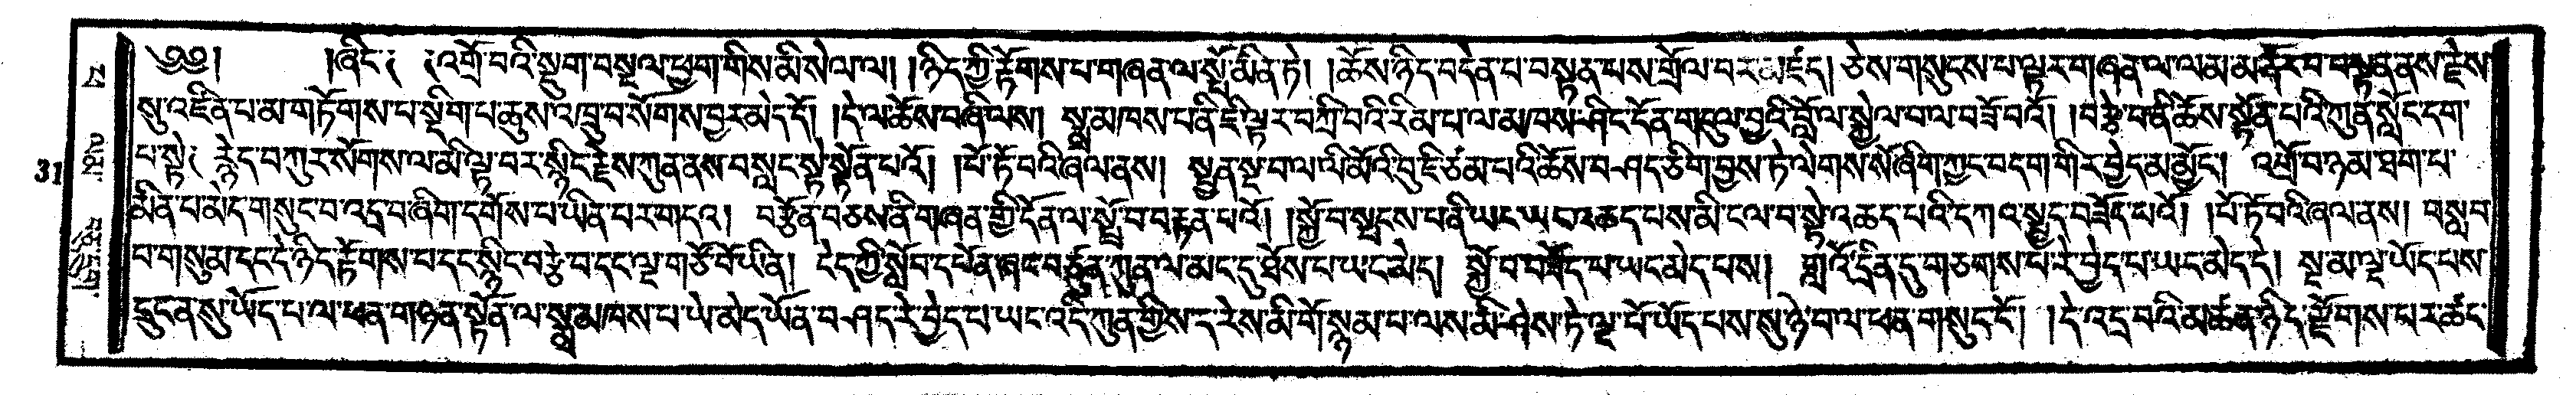༄༅། །ཞིང་༑ ༑འགྲོ་བའི་སྡུག་བསྔལ་ཕྱག་གིས་མི་སེལ་ལ། །ཉིད་ཀྱི་རྟོགས་པ་གཞན་ལ་སྤོ་མིན་ཏེ། །ཆོས་ཉིད་བདེན་པ་བསྟན་པས་གྲོལ་བར་མཛད། ཅེས་གསུངས་པ་ལྟར་གཞན་ལ་ལམ་མ་ནོར་བ་བསྟན་ནས་རྗེས་
སུ་འཛིན་པ་མ་གཏོགས་པ་སྡིག་པ་ཆུས་འཁྲུ་བ་སོགས་བྱར་མེད་དོ། །དེ་ལ་ཆོས་བཞི་ལས། སྨྲ་མཁས་པ་ནི་ཇི་ལྟར་བཀྲི་བའི་རིམ་པ་ལ་མཁས་ཤིང་དོན་གདུལ་བྱའི་བློ་ལ་སྐྱེལ་བ་ལ་བཟོ་བའོ། །བརྩེ་བ་ནི་ཆོས་སྟོན་པའི་ཀུན་སློང་དག་
པ་སྟེ༑ རྙེད་བཀུར་སོགས་ལ་མི་ལྟ་བར་སྙིང་རྗེས་ཀུན་ནས་བསླང་སྟེ་སྟོན་པའོ། །པོ་ཏོ་བའི་ཞལ་ནས། སྤྱན་སྔ་བ་ལ་ལི་མོའི་བུ་ཇི་ཙམ་པའི་ཆོས་བཤད་ཅིག་བྱས་ཏེ་ལེགས་སོ་ཞིག་ཀྱང་བདག་གིར་བྱེད་མ་མྱོང་། འགྲོ་བ་ཉམ་ཐག་པ་
མིན་པ་མེད་གསུང་བ་འདྲ་བ་ཞིག་དགོས་པ་ཡིན་པར་གདའ། བརྩོན་བཅས་ནི་གཞན་གྱི་དོན་ལ་སྤྲོ་བ་བརྟན་པའོ། །སྐྱོ་བ་སྤངས་པ་ནི་ཡང་ཡང་འཆད་པས་མི་ངལ་བ་སྟེ་འཆད་པའི་དཀའ་སྤྱད་བཟོད་པའོ། །པོ་ཏོ་བའི་ཞལ་ནས། བསླབ་
པ་གསུམ་དང་དེ་ཉིད་རྟོགས་པ་དང་སྙིང་བརྩེ་བ་དང་ལྔ་གཙོ་བོ་ཡིན། ངེད་ཀྱི་སློབ་དཔོན་ཞང་བཙུན་ཀུན་ལ་མང་དུ་ཐོས་པ་ཡང་མེད། སྐྱོ་བ་བཟོད་པ་ཡང་མེད་པས། གླའོ་དྲིན་དུ་གཅགས་པ་རེ་བྱེད་པ་ཡང་མེད་དེ། སྔ་མ་ལྔ་ཡོད་པས་
དྲུང་ན་སུ་ཡོད་པ་ལ་ཕན་གཉན་སྟོན་ལ་སྨྲ་མཁས་པ་ཡེ་མེད་ཡོན་བཤད་རེ་བྱེད་པ་ཡང་འདི་ཀུན་གྱིས་ད་རེས་མི་གོ་སྙམ་པ་ལས་མི་ཤེས་ཏེ་ལྔ་པོ་ཡོད་པས་སུ་ཉེ་བ་ལ་ཕན་གསུང་ངོ ། །དེ་འདྲ་བའི་མཚན་ཉིད་རྫོགས་པར་ཚང་